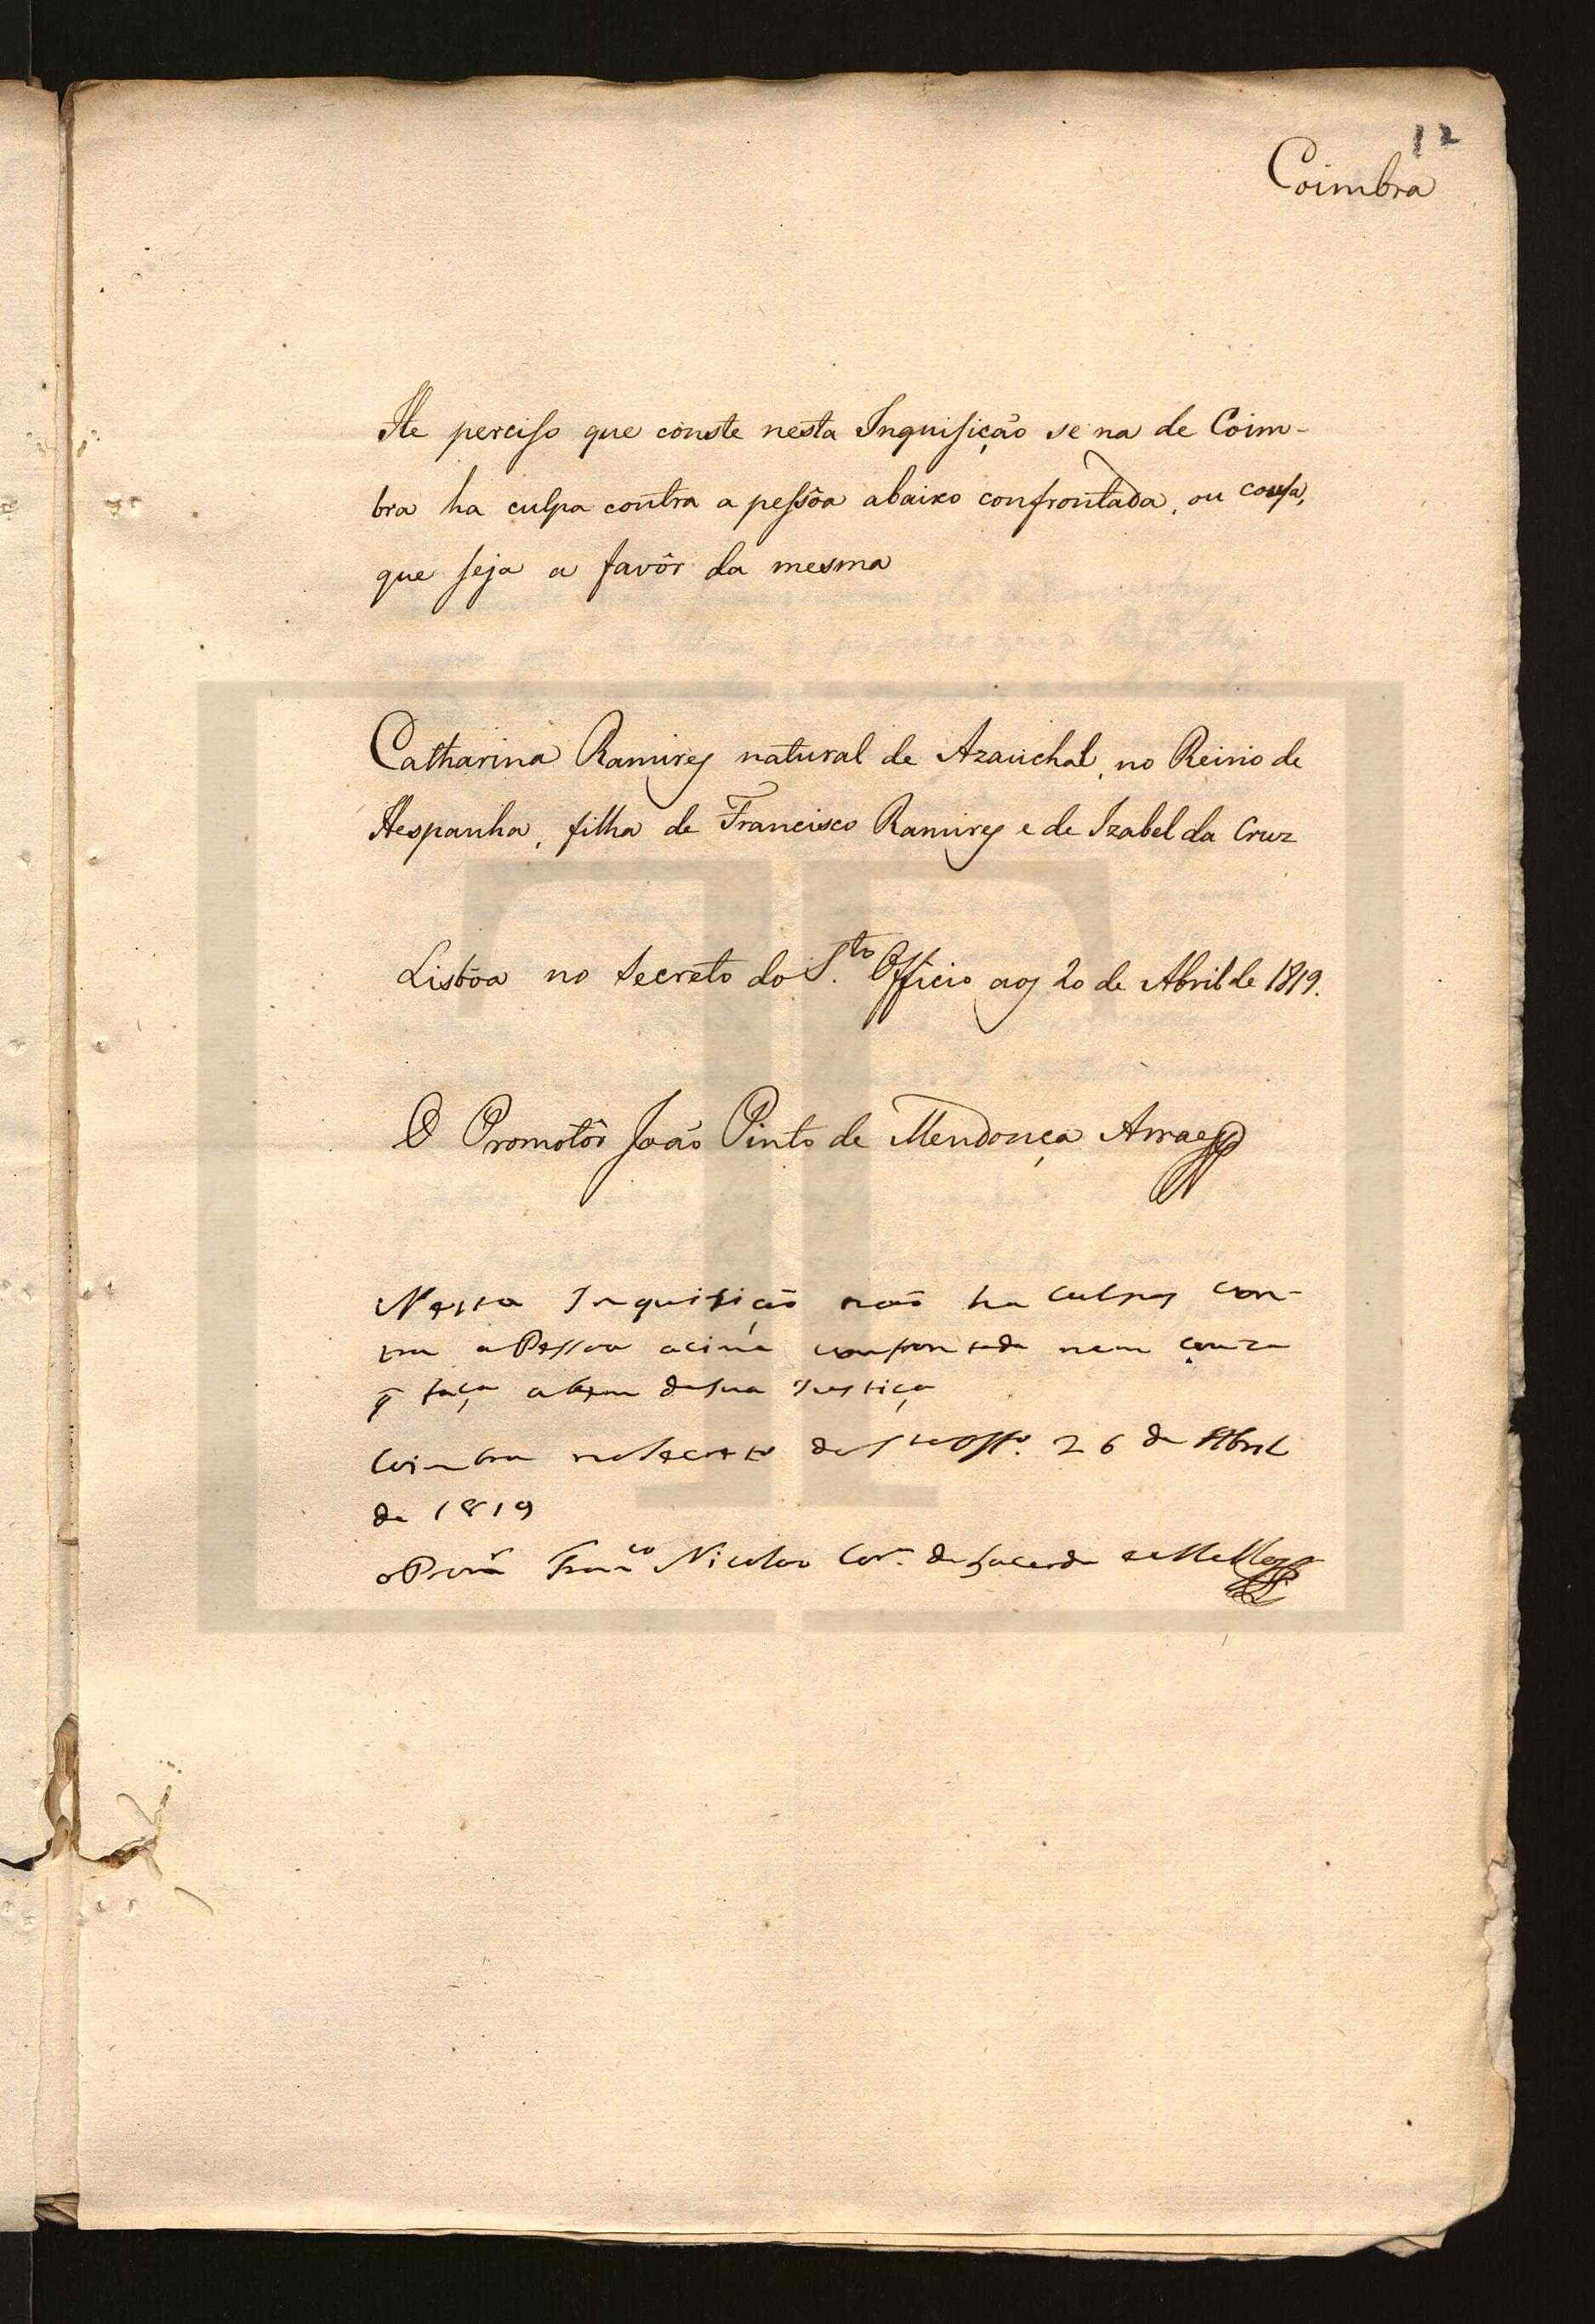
Coimbra
este perciso que conste nesta Inquisiçaõ se na de Coim
bra ha culpa contra a pessoa abaixo confrontada, ou cousa,
que seja a favor da mesma
Catharina Ramires natural de Azauchal, no Reino de
Hespanha, filha de Francisco Ramires e de Izabel da Cruz
Lisboa no Secreto do S.to Officio aos 20 de Abril de 1819.
O Promotor Joaõ Pinto de Mendonça Arraes
Nesta Inquiziçaõ naõ ha culpas con
tra a Pessoa acima confrontada nem couza
q̄ faça a bem de sua Iustiça
Coimbra no secreto de sto off.o 26 de Abril
de 1819
o Promr Franco Nicolao Cor. de Lacerda e Mello
